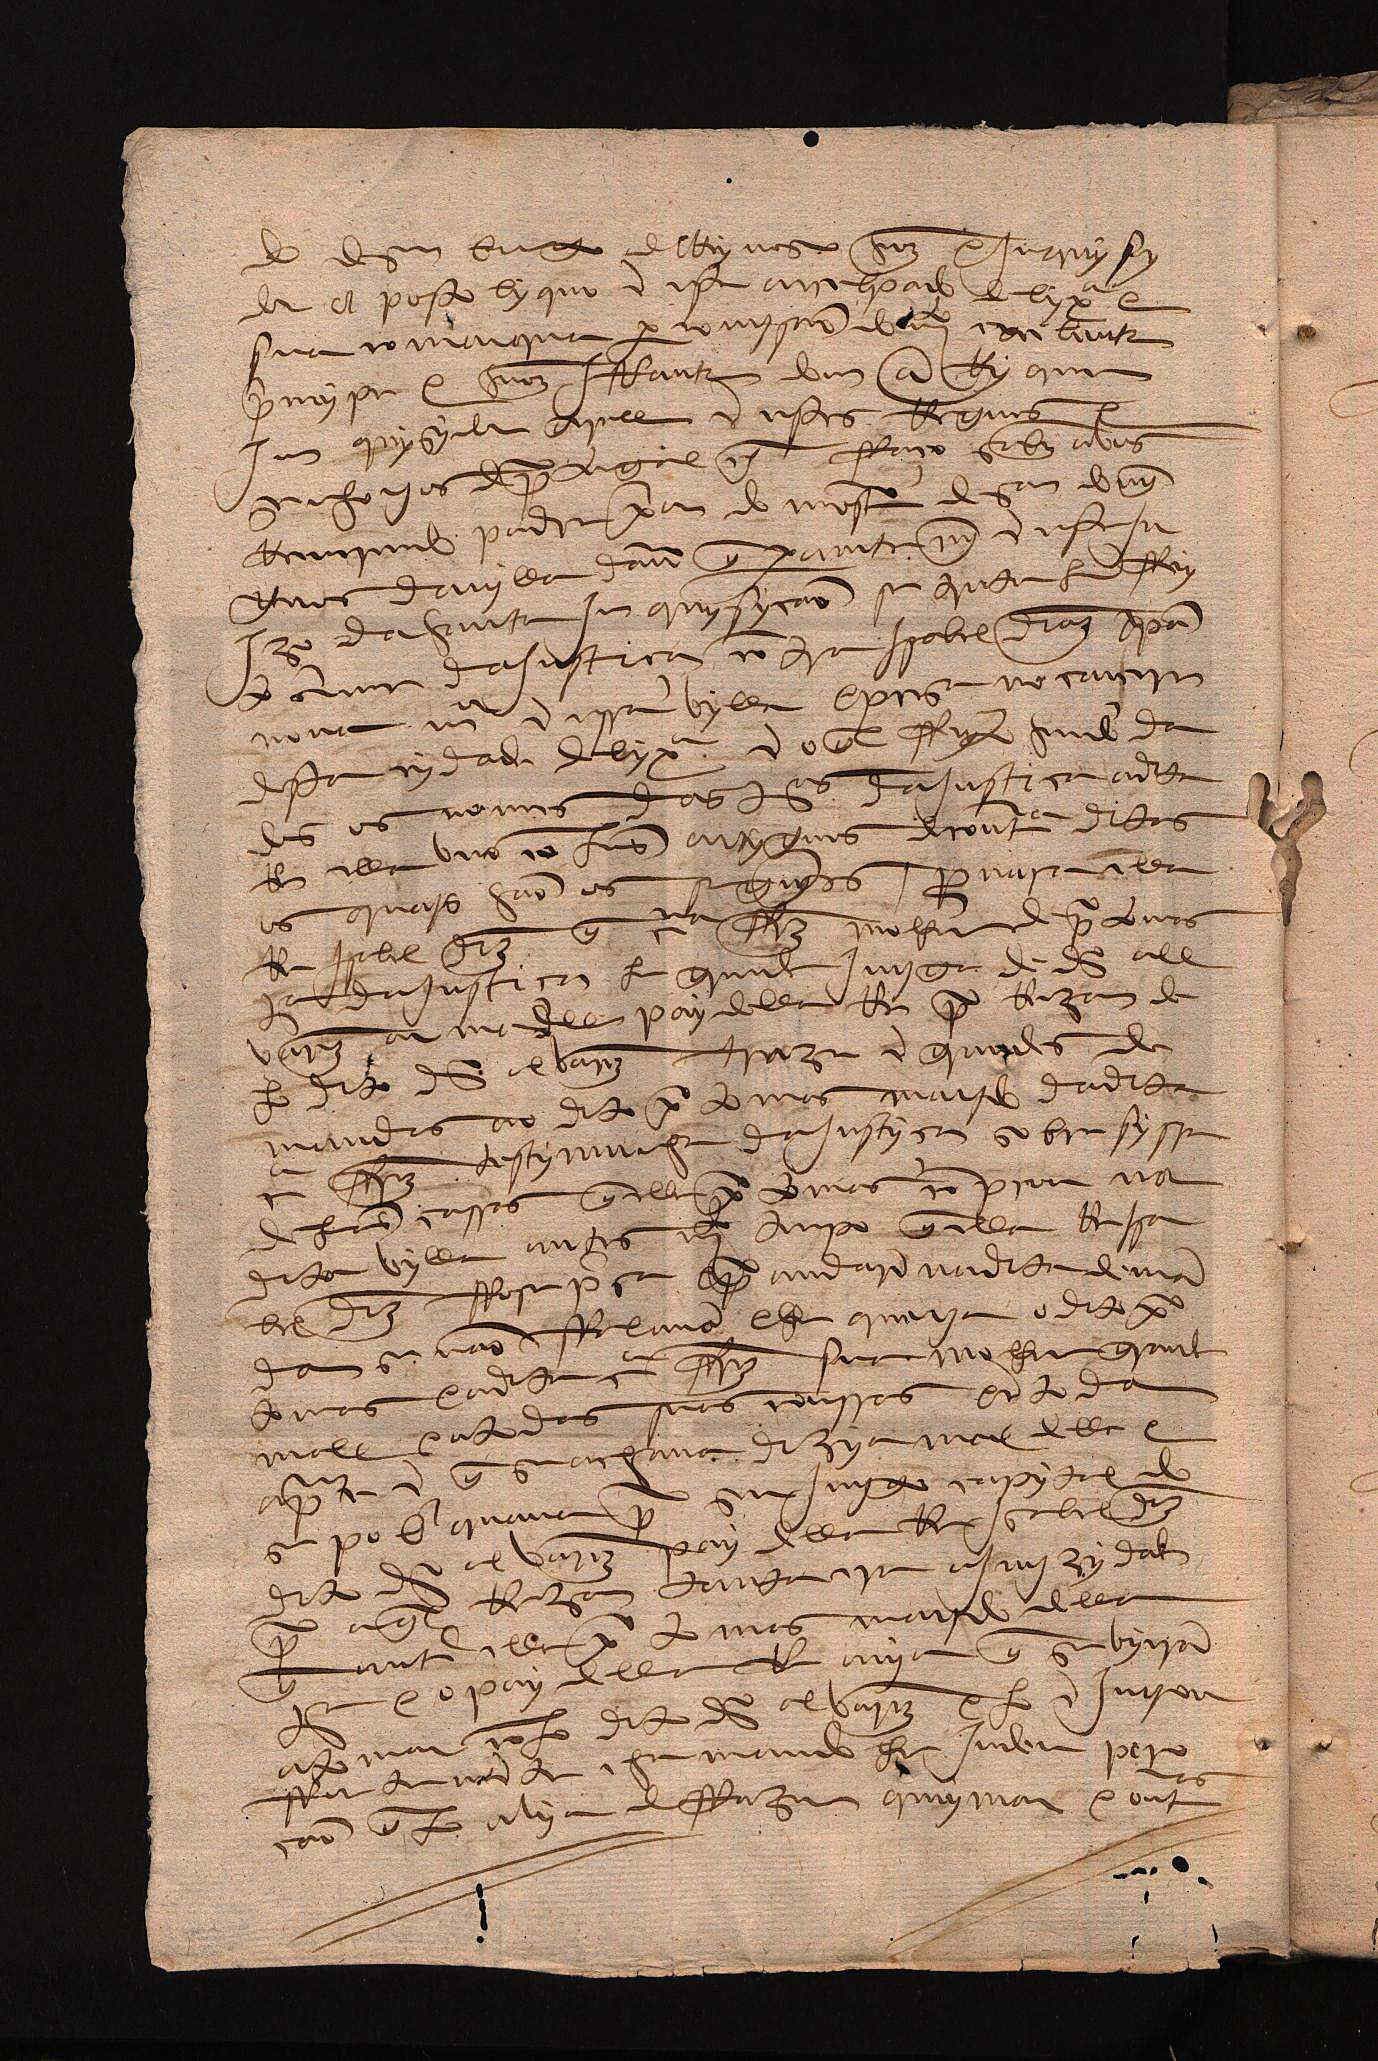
do desembargo del Rey noso S̄or e Jmquysy
dor Apostolyquo ē este arcebpado de lyxa e
sua comarqua ꝑ comjsão do mto excelente
pincype e S̄nor Jffante dom āRyque
Jmquysydor gerall ē estes Regnos e
senhorjos de p̄otugal c̄ꝭ ffaço sābr a vos
Reuerendo padre pior do mostro de sam dom̄j
guos da uylla dauro q̄ ꝑamte m̄j ē este Ju
Jzo da Santa Jmquysycão se trata hū ffey
to cime da Justiça c̄otra Jsabel diaz xpā
noua mor ē essa vylla e presa no carçere
desta cydade de lyxa ē o q̄l ffeyto sendo da
dos os nomes das tsas da Justica a dita
Re ella veio c̄o hūs artyguos de contraditas
os quays são os segūjtes / ꝓuara ella
Re Jsabel d̄iz q̄ cna f̄frz molher de p̄o tomas
tsa da Justiça he grande Jmjga de dio all
varez armadell pay della Re p̄o Rezam de
ho dito dio alvarez trazer ē grandes de
mandas ao dito p̄o tomas marjdo da dita
ca f̄frz testymunha da Justyça sobre syssa
de huās cassas q̄ elle p̄o tomas c̄oprou na
dita vylla antes mto tenpo q̄ ella Re Jsa
bel d̄iz ffose p̄sa e p̄o andarē na dita demā
da se não ffalauā e lhe querja o dito p̄o
tomas e a dita ca f̄frz sua molher grande
mall e a todas suas coussas e ē toda
a p̄te ē q se achaua dizya mal della e
se pobiquaua p̄o seu Jmjgo capytal do
dito djo alvarez pay della Ree Jsabel d̄iz
p̄o a q̄l Rezam tanta era a Jmjzydade
q̄ ante elle p̄o tomas marjdo della
tsa e o pay della Re auja q̄ se vyerā
a tomar c̄o ho dito djo alvarez e ho ēJurjou
ffortemēte chamando lhe Judeu pero
cão q̄ ho avya de ffazer queymar e outras
